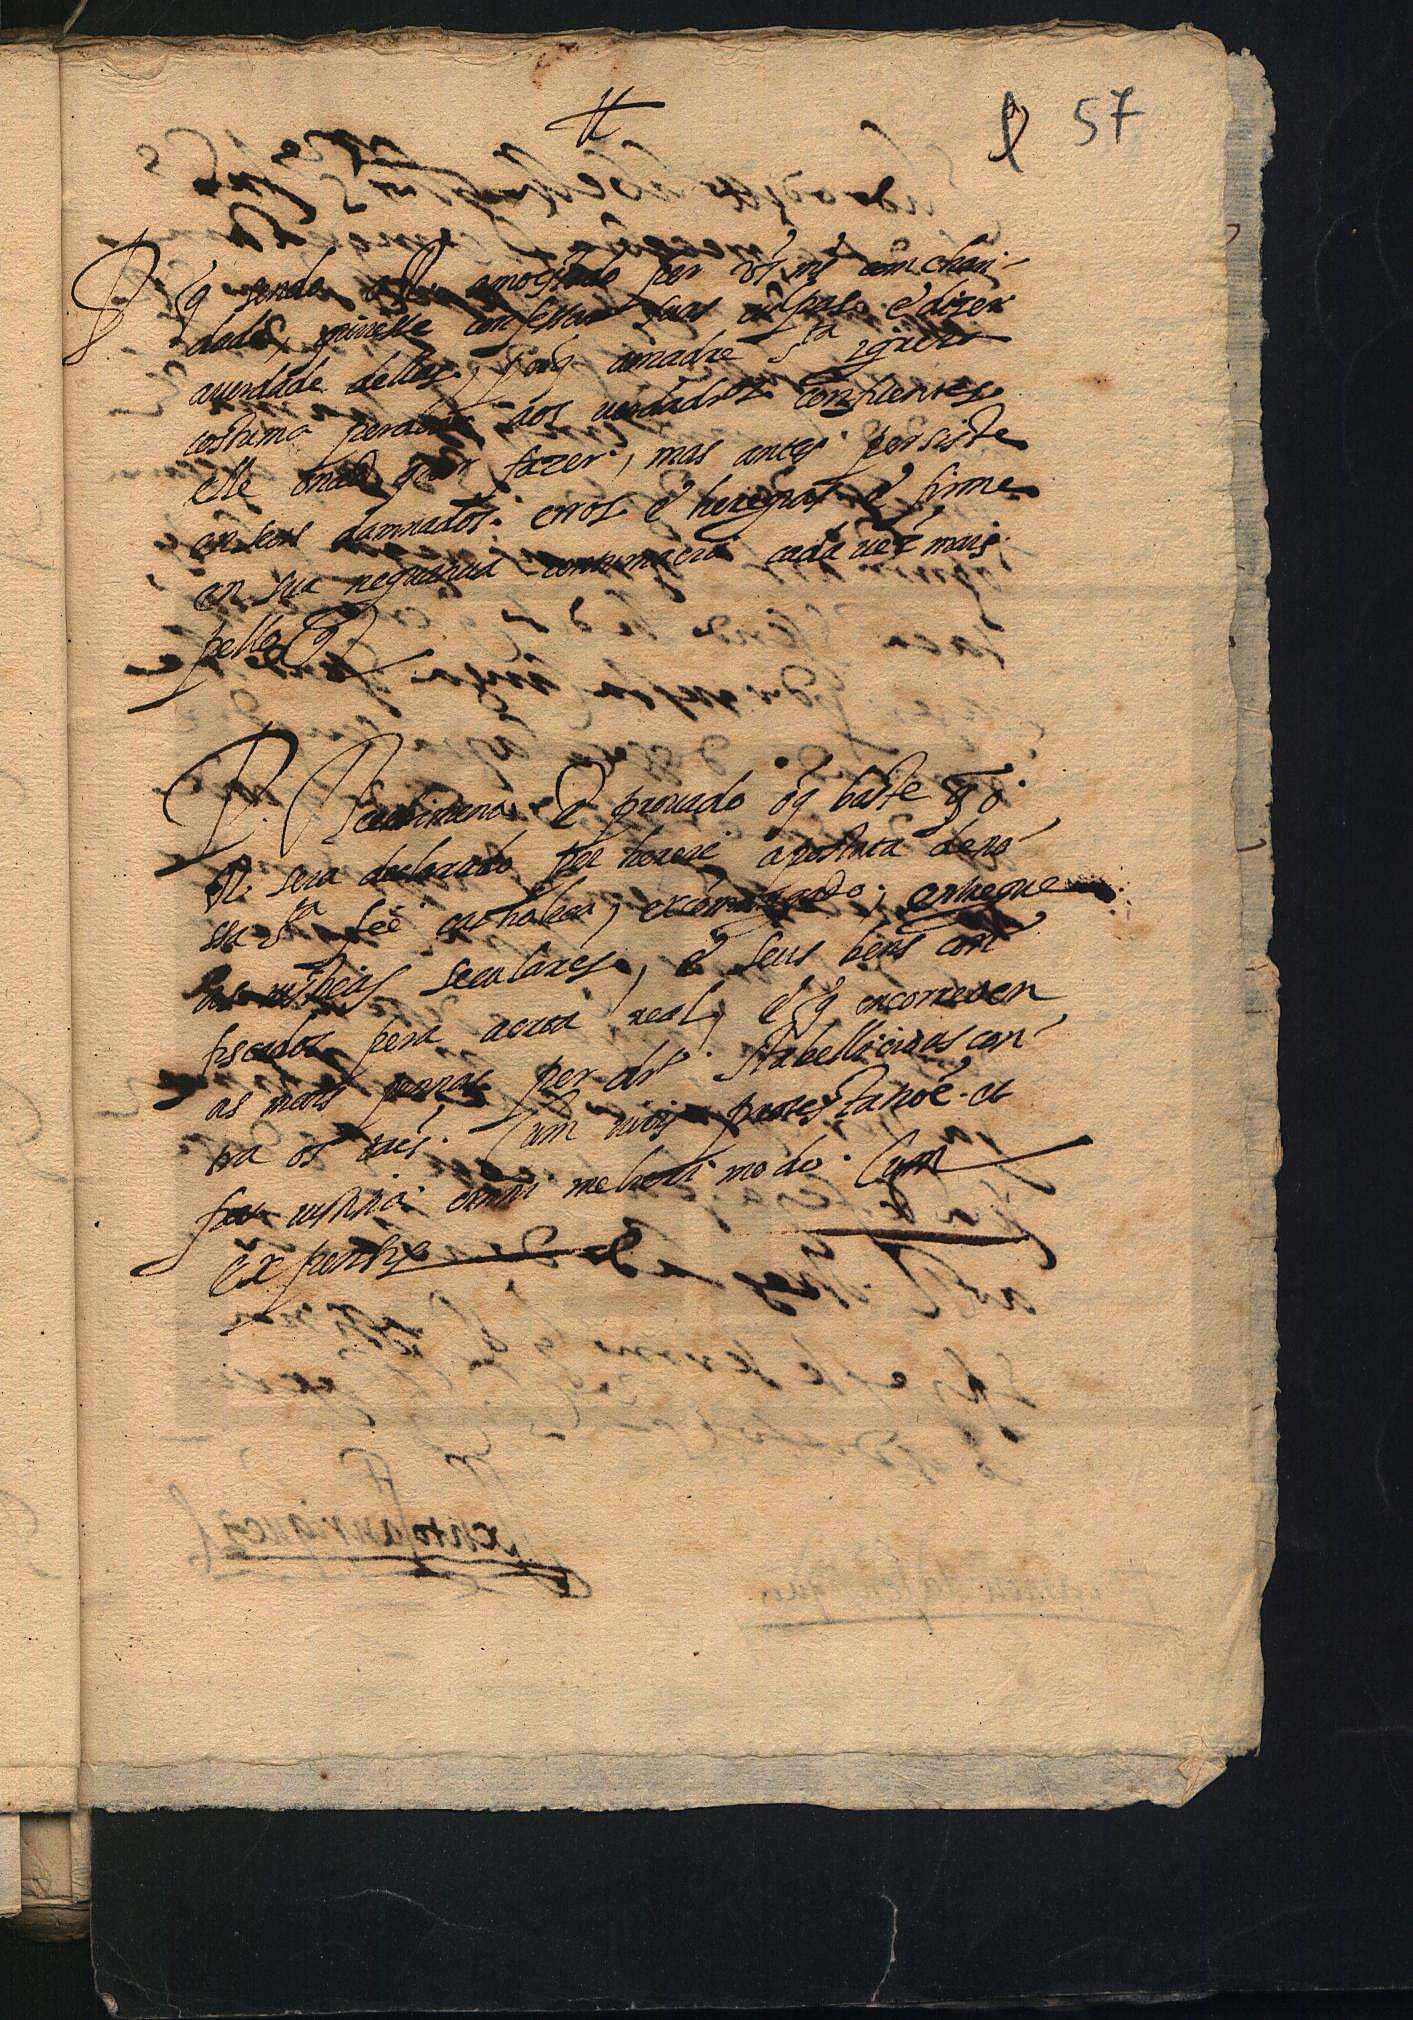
P q̄ sendo o R. amoestado por vs̄ ms̄ com chari
dade, quizesse confessar suas culpas e dizer
a uerdade dellas, porq̄ a madre sta igreia
costuma perdoar aos uerdadros confitentes
elle o naõ quer fazer, mas antes persiste
en seus damnados erros e heregias e firme
en sua neguancia contumacia cada uez mais
pello q̄
P Recebimento e prouado o q̄ baste q̄ o
R seia declarado por hereie apostata de no
ssa sta fee catholica, excōmungado; entregue
as iustiças seculares, e seus bens con
fiscados pera a croa real, e q̄ encorresen
as mais pennas por drto stabellicidas con
tra os taēs. Cum iuris protestatioē et
facto iustitia omni meliori modo. Cum
expensis
